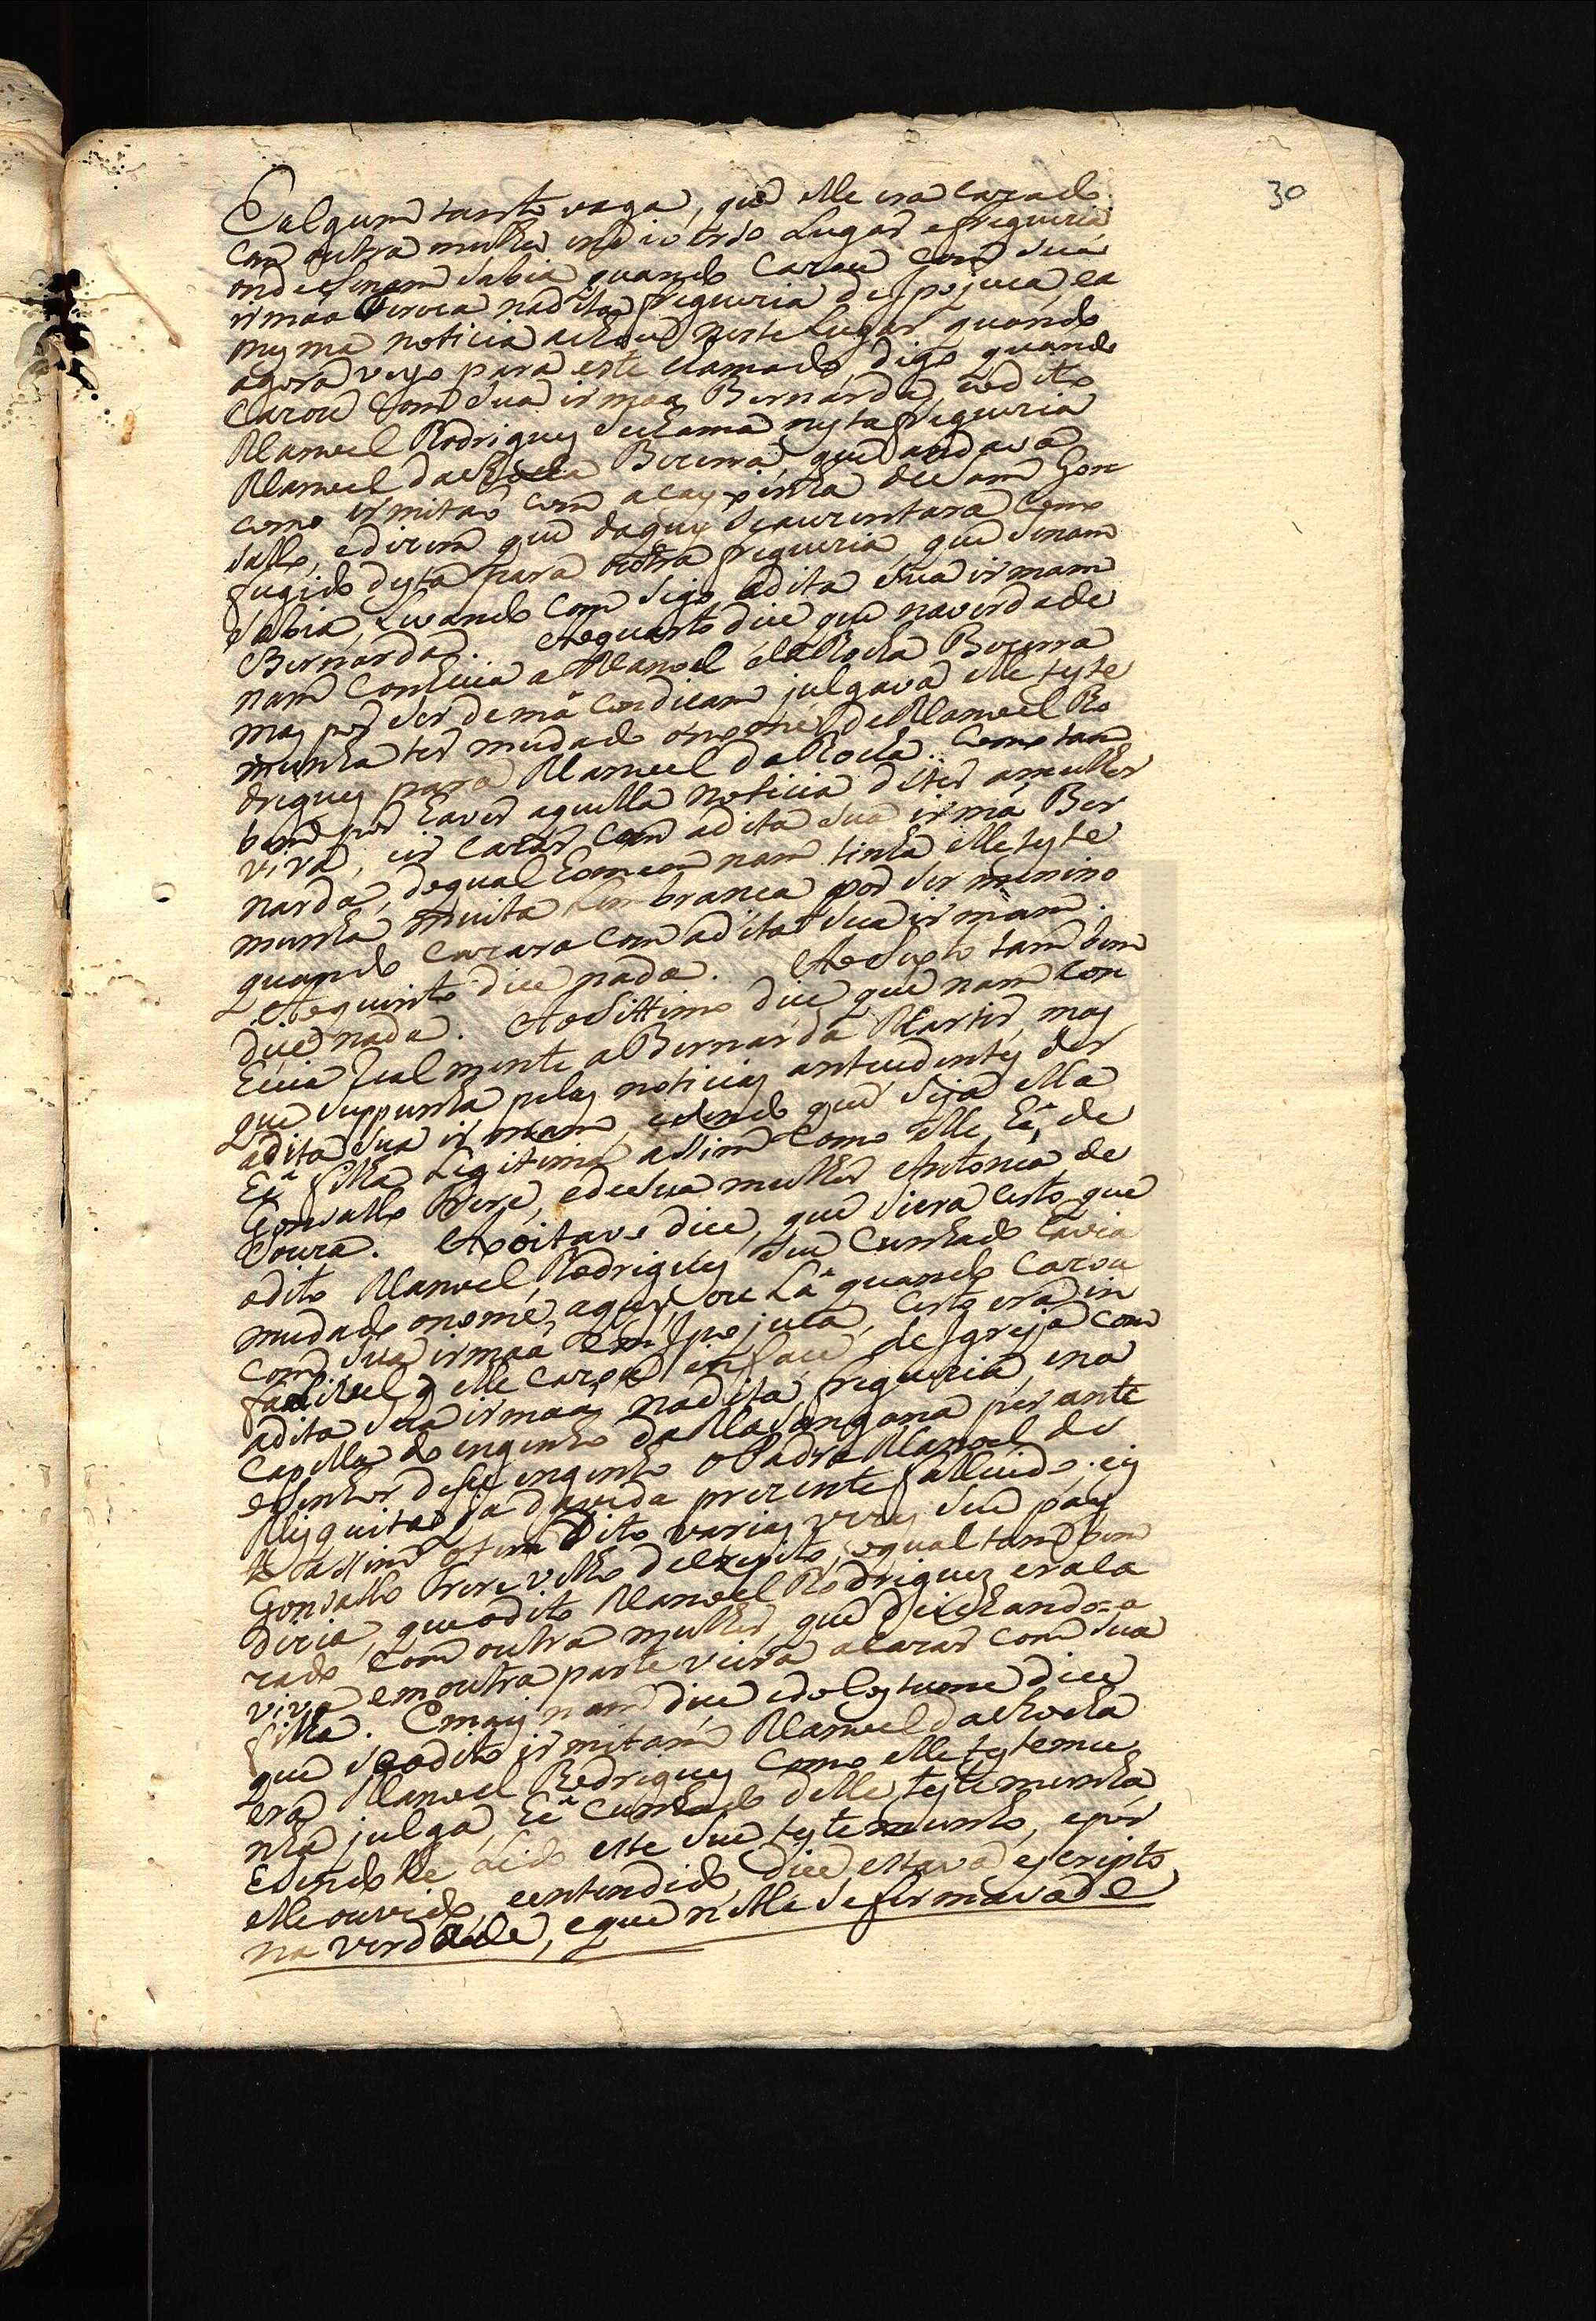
E algum tanto vaga, qu_ elle era cazado.
com outra mulher em outro Lugar e freguezia,
onde Senam sabia quando Cazou com sua
irmãa Tereza na dita freguezia de Jpojuca, e a
mesma noticia achou neste Lugar quando
agora veyo para este chamado, digo quando
cazou com sua irmãa Bernarda, e o dito
Manoel Rodrigues se chama nesta freguezia
Manuel da Rocha Bezerra, que andava
como irmitaõ com a cayxinha de Sam Gon
sallo, e dizem que daquy se auzentara como
fugido desta para aoutra freguezia, que senam
sabia, Levando comsigo a dita sua irmam
Bernarda. Ao quarto dice que na verdade
nam conhecia a Manoel da Rocha Bezerra
mas por ser de mã condicam julgava elle teste
munha ter mudado o nome de Manoel Ro
drigues para Manuel da Rocha. Como tam
bem por haver aquella noticia de ter a mulher
viva, vir cazar com a dita sua irmã Ber
narda, do qual homem nam tinha elle teste
munha muita Lembrança por ser menino
quando cazara com a dita sua irmam.
Ao quinto dice nada. Ao Sexto tambem
diçe nada. Ao Sittimo diçe que nam con
hecia Realmente a Bernarda Martir, mas
que supunha pelas noticias antecedentes ser
a dita sua irmam, e Sendo que seja ella
hé filha Legitima assim como elle, hé de
Gonsallo Frere, e de sua mulher Antonia de
Souza. Ao oitavo dice, que vivera certo que
o dito Manoel, Rodrigues seu cunhado havia
mudado o nome aquy, ou Lá quando cazou
com sua irmaã em Jpojuca, certo era in
faLivel q̄ elle cazou infaçe de Jgreja com
a dita sua irmaã na dita freguezia, e na
Capella do engenho da Masangona perante
o Senhor desse engenho o Padre Manoel de
Misquita ja da vida prezente fallecido; e is
to assim o tem dito varias vezes seu pay
Gonsallo Frere velho decrepito, o qual tambem
dizia, que o dito Manoel Rodriguez era ca
zado com outra mulher, que deichando=a
viva em outra parte viera a cazar com sua
filha. e mais nam diçe e do Costume dice
que se o dito irmitam Manoel da Rocha
era Manoel Rodrigues Como elle testemu
nha julga, hé cunhado delle testemunha,
E Sendolhe Lido este seu testemunho, e por
elle ouvido, e entendido, dice estava escripto
na verdade, e que nelle se fermava e
